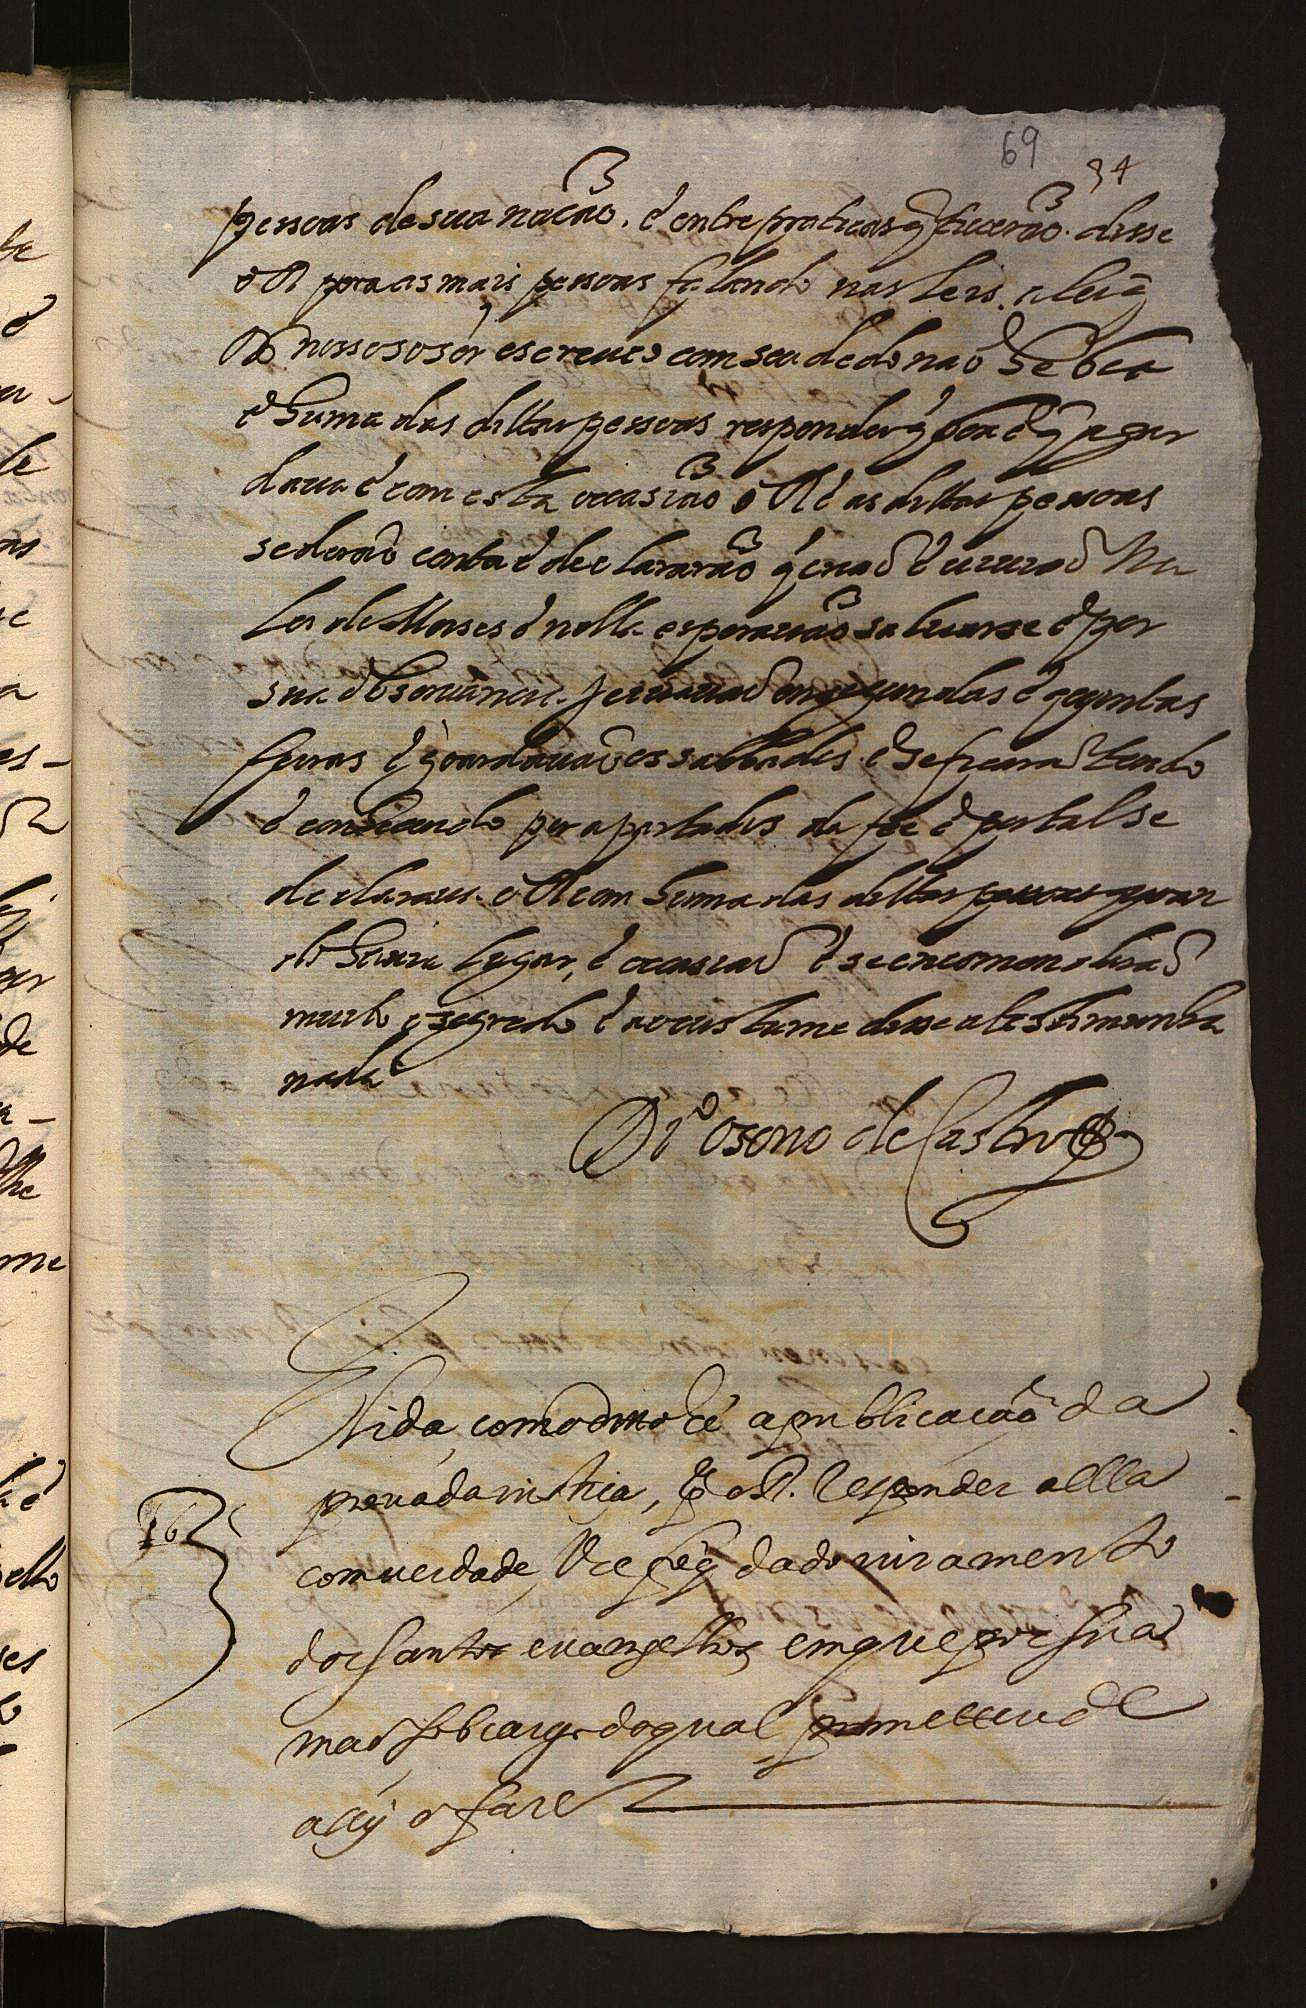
pessoas de sua naçaõ, e entre praticas q̄ tiuerão. disse
o R pera as mais pessoas falando nas Leis. a lei q̄
Ds̄ nosso so sōr escreueo com seu dedo naõ he boa
e huma das dittas pessoas respondeo q̄ boa e q̄ a gar
daua ē com esta occasiaõ o R e as dittas pessoas
se deraõ conta e declararaõ q̄ criaõ e uiuiaõ na
Lei de Moises e nella esperauaõ saluarse e por
sua obseruancia. jeiuauaõ en segundas e quintas
feiras e goardauaõ os sabbados e se ficaraõ tendo
e conhecendo por apartados da fee e por tal se
declaraua o R com huma das dittas pessoas quoan
do hauia lugar, e occasiaõ e se encomendaraõ
muito o segredo e ao custume disse a testemunha
nada
Dio osorio de Castro
E lida, como ditto hé a publicaçaõ da
proua da iustiça, pa o R. Responder a ella
com uerdade lhe foy dado iuramento
dos Santos euangelhos em que poz sua
maõ sob cargo do qual prometteu de
assy o fazer
